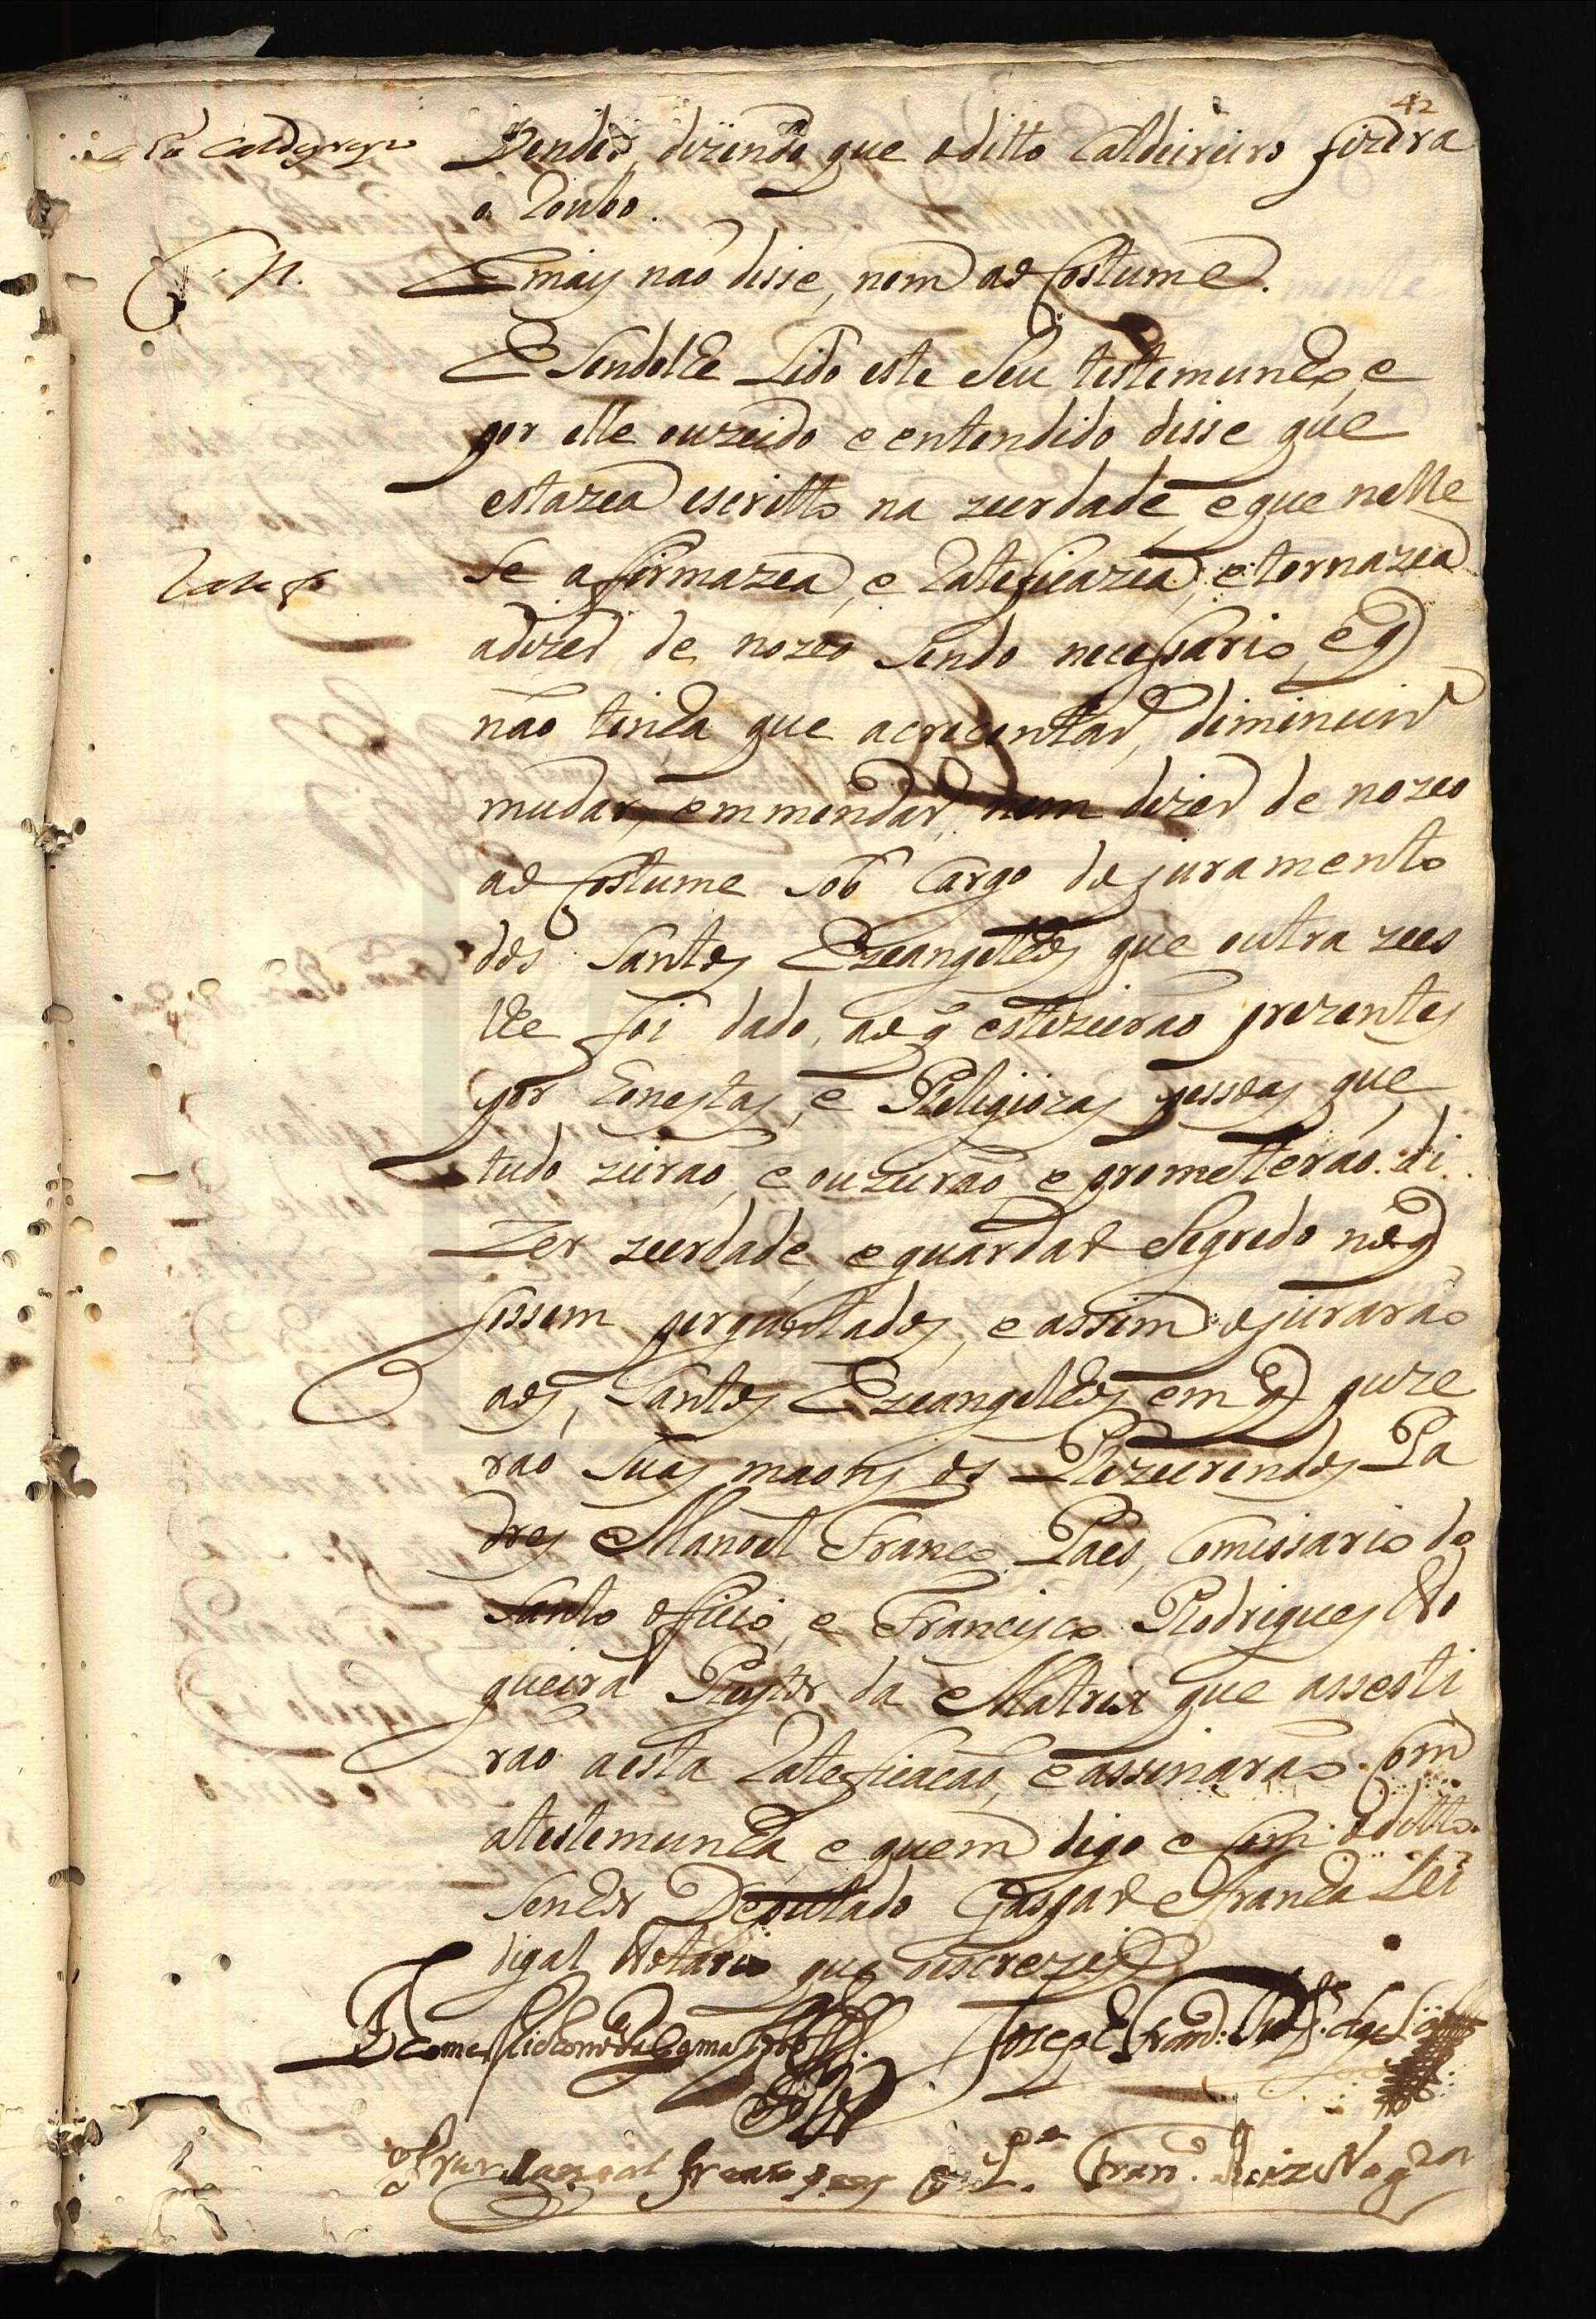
a hū caldejreyro
C. n.
Ratef
42
Vender dizendo que o ditto caldeireiro fizera
o Roubo.
E mais nao disse, nem ao Costume.
E sendolhe Lido este Seu testemunho, e
por elle ouvido e entendido disse que
estava escritto na verdade, e que nelle
se affirmava, e Rateficava, e tornava
a dizer de novo sendo necessario, e q̄
naõ tinha que acrecentar, diminuir
mudar, emmendar, nem dizer de novo
ao Costume sob cargo do juramento
dos Santos Evangelhos que outra ves
lhe foi dado, ao q̄ estiveraõ prezentes
por honestas, e Religiozas pessoas que
tudo viraõ, e ouvirão, e prometterão. di
Zer verdade e guardar Segredo no q̄
fossem perguntados, e assim o jurarão
aos Santos Evangelhos em q̄ puze
raõ Suas maons os Reverendos Pa
dres Manoel Franco Paes, Comissario do
Santo officio, e Francisco Rodrigues No
gueira Reytor da Matrix que assesti
raõ a esta Rateficaçaõ, e assinarão. Com
a testemunha, e quem digo e Com o ditto
Senhor Deputado Gaspar Aranha Vi
digal Notario que o escrevj
Jozeph Franco: I_.te de Sa
Thome Chichorro da Gama Lobo
o P.e Franco. Roiz Nogra
o Pror Manoel franco
